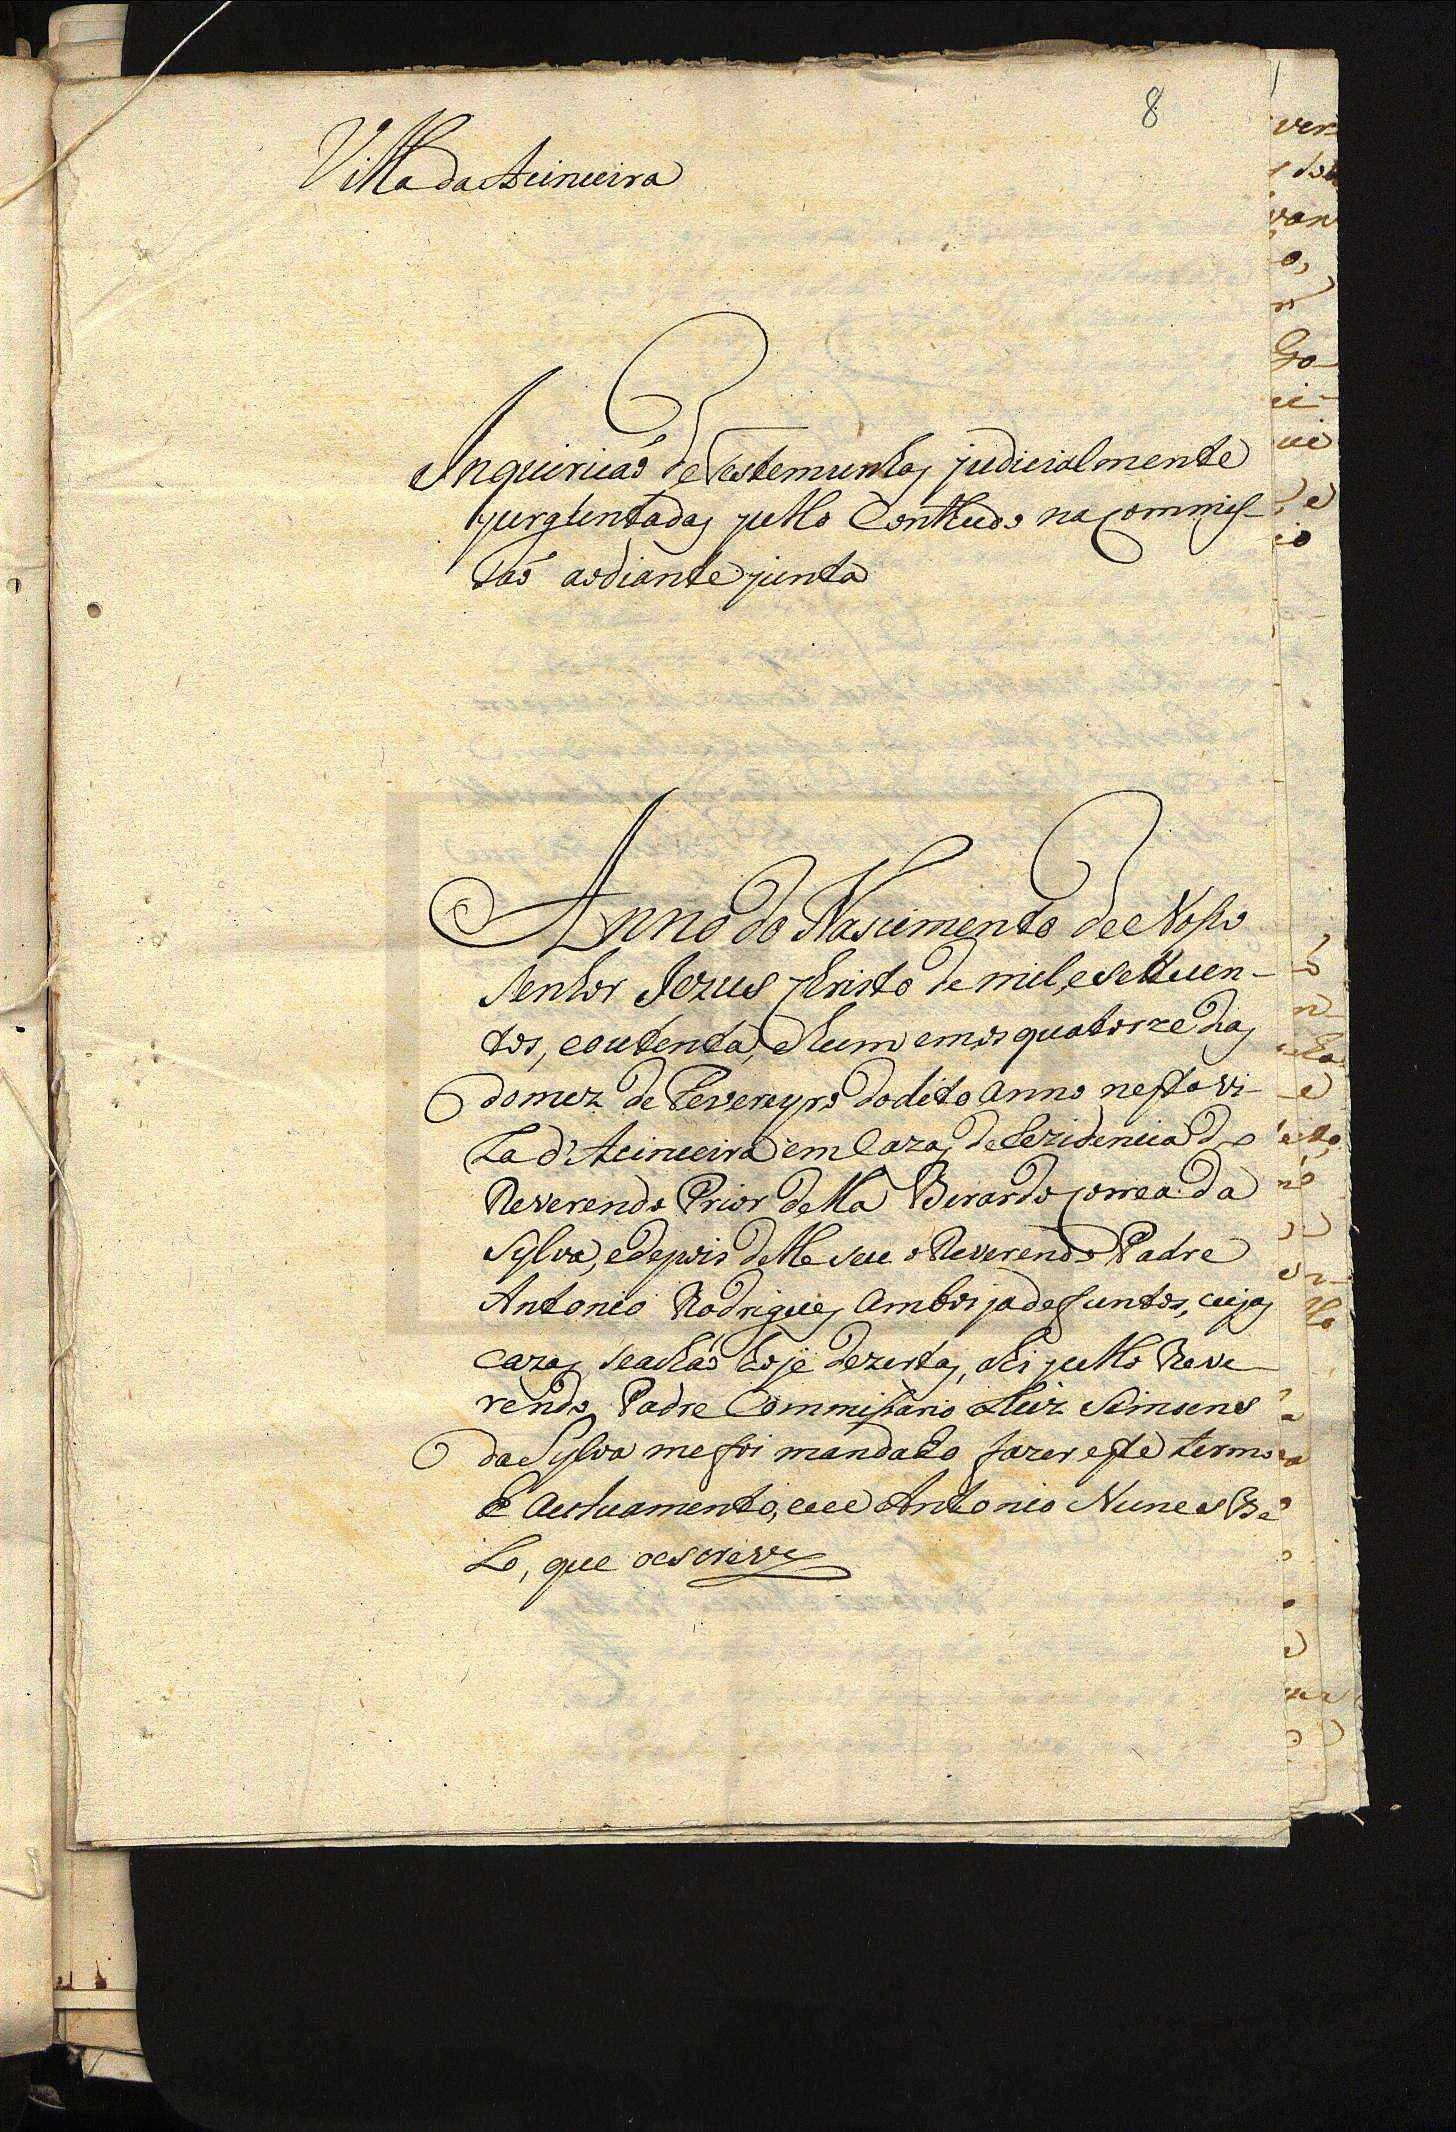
8
Villa da Acinceira
Inquiriçaõ de Testemunhas judicialmente
perguntadas pello Conthudo na Commis
saõ aodiante junta
Anno do Nascimento de Nosso
Senhor Iezus Christo de mil, e settecen
tos, e outenta, e hum em os quatorze dias
do mez de Fevereyro do dito anno nesta vi
La d'Acinceira em caza de Rezidencia do
Reverendo Prior della Berardo Correa da
Sylva, e depois delle seu o Reverendo Padre
Antonio Rodrigues ambos ja defuntos, cujas
cazas se achaõ hoje dezertas, ahi pello Reve
rendo Padre Commissario Luiz Simoens
da Sylva me foi mandado fazer este termo
E autuamento, e eu Antonio Nunes Be
Lo, que o escrevy
